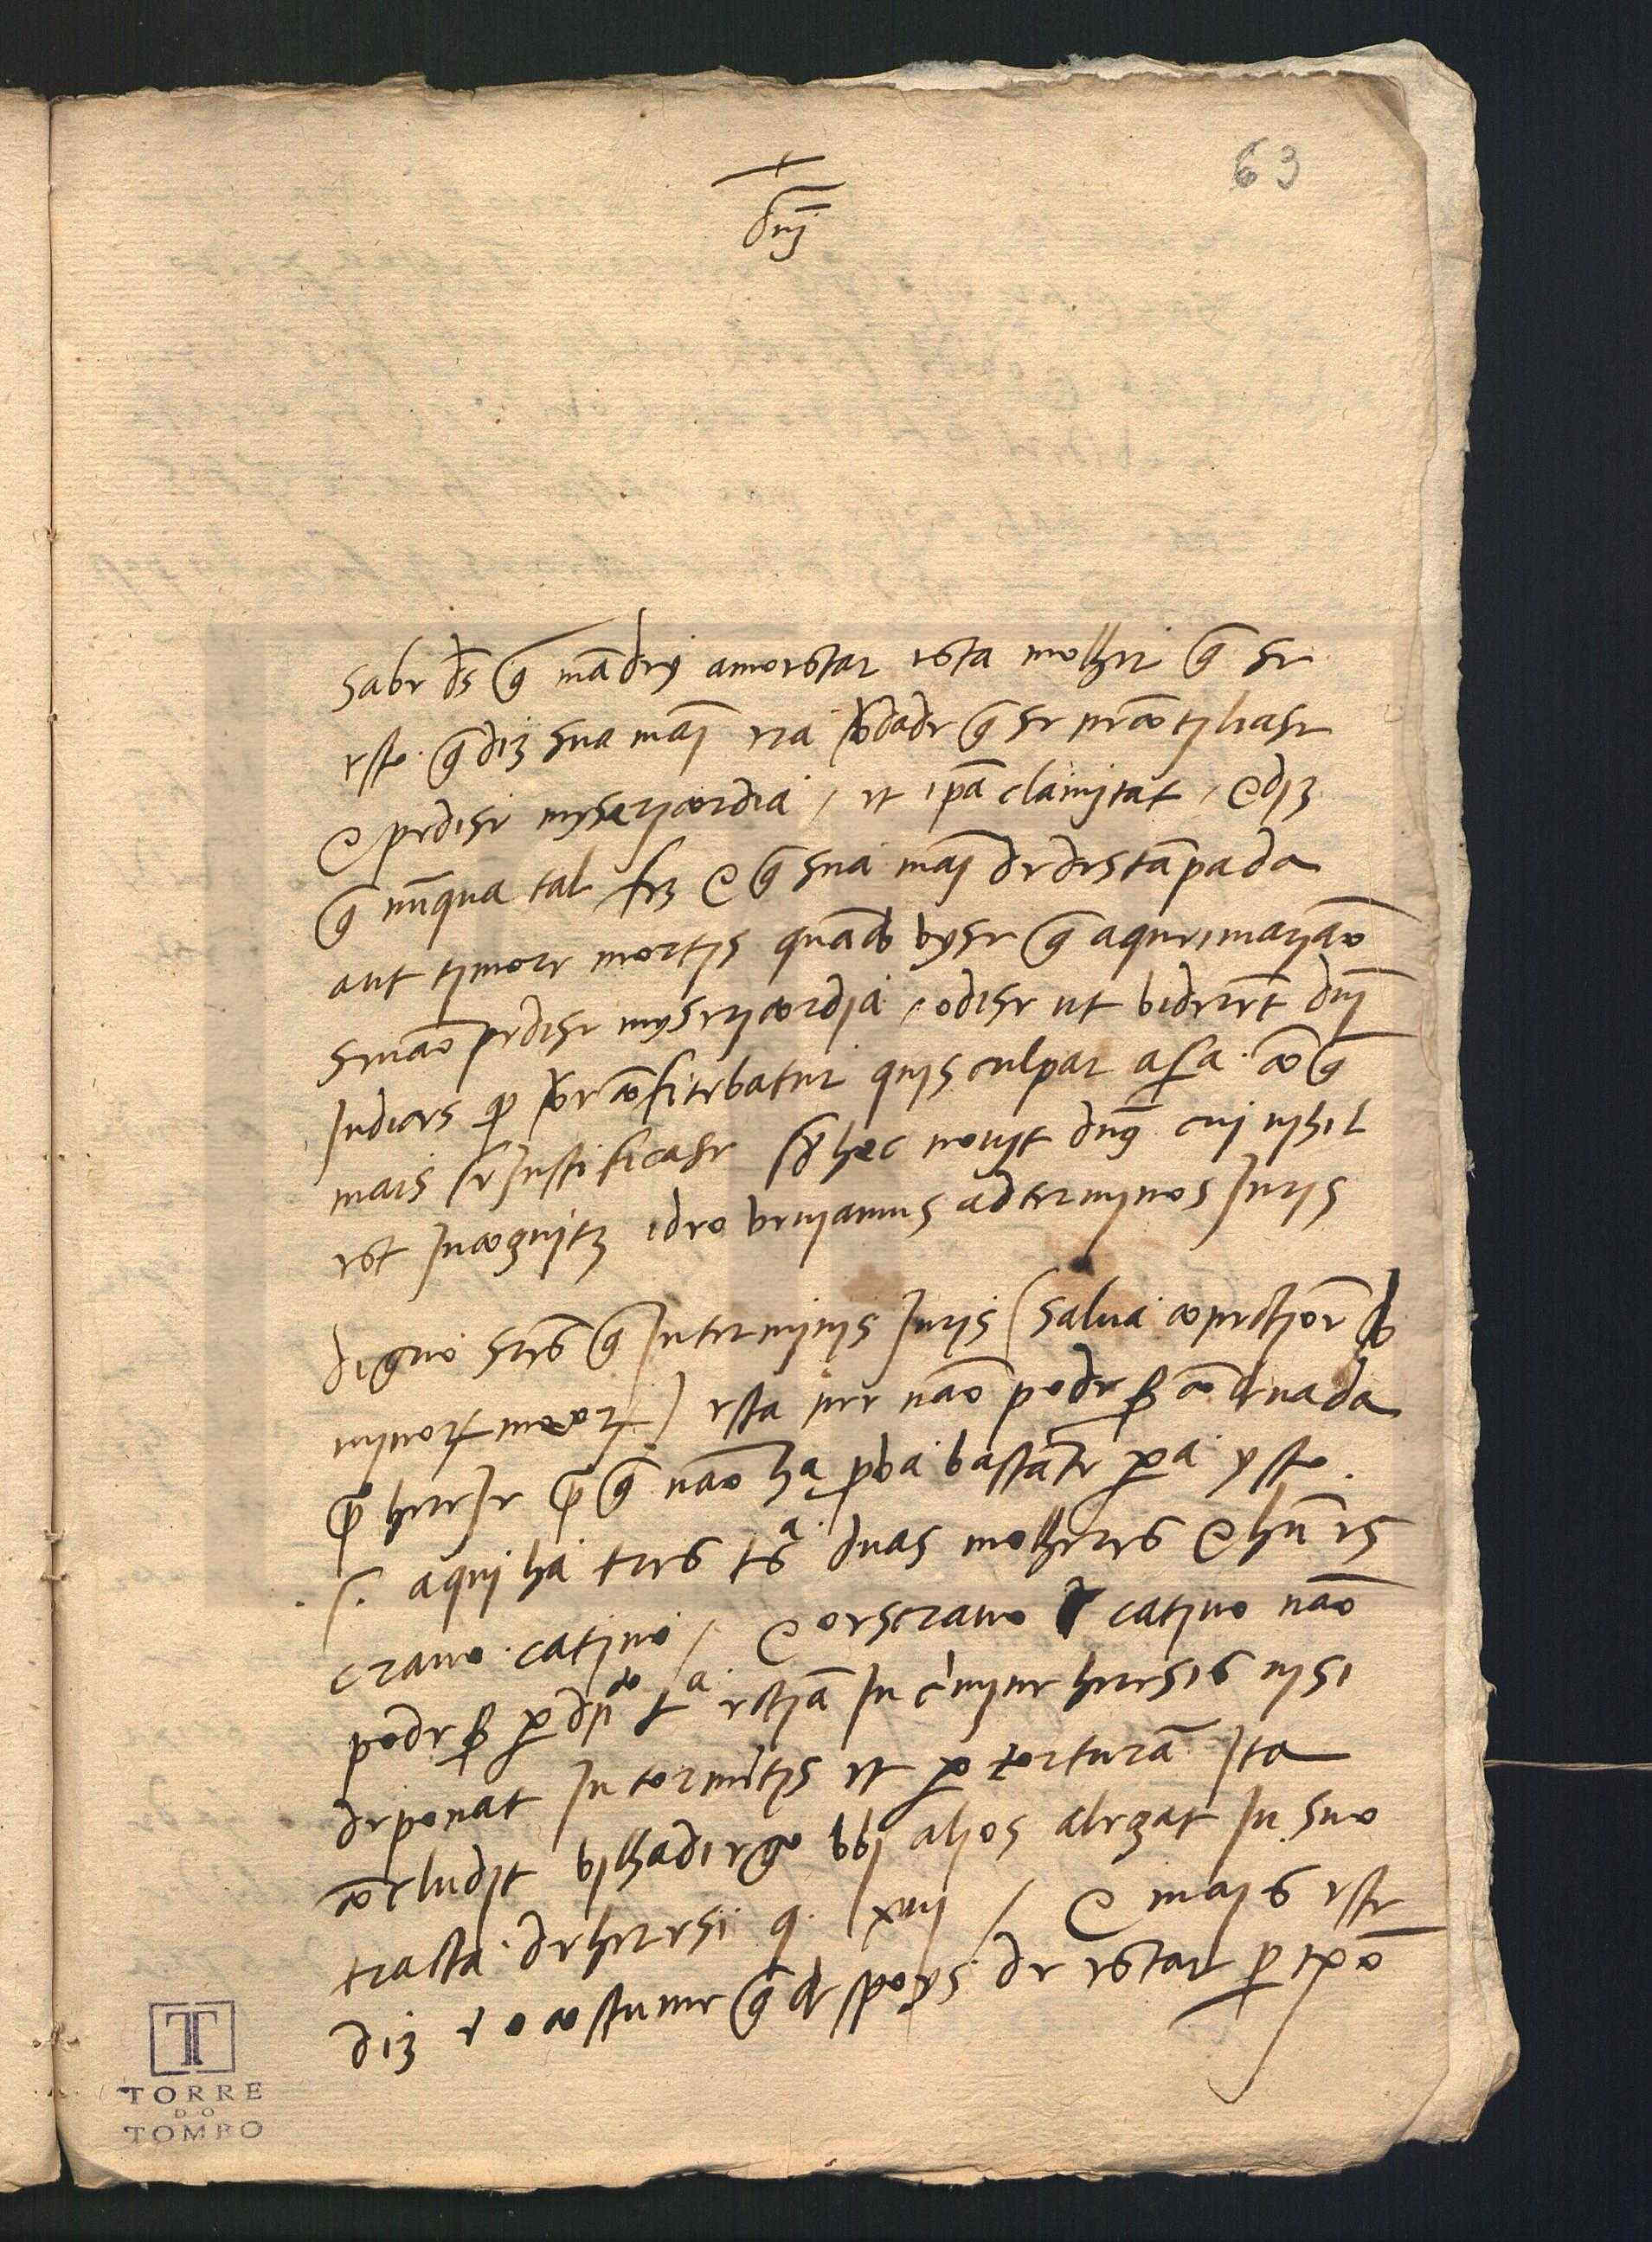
dnj̄
Sabe ds̄ q̄ mādey amoestar esta molher q̄ se
esto q̄ diz sua mãj era ꝟdade q̄ se recōtjliase
e pedise myserjcordia / et ip̄a clamjtat / e djz
q̄ nūqua tal fez e q̄ sua mãj de destāpada
aut tjmore mortjs quādo vyse q̄ a queimarjão
se não pedise myserjcordja / o dise ut viderēt dnj̄
Judices ꝙ ꝟe c̄ofitebatur qujs culpar a fa c̄o q̄
mais se Justificase sd' hoc moujt dnꝯ̄ cuj njhil
est Jncognjtꝫ ideo venjamus ad termjnos Jurjs
diguo srēs q̄ Jn termjnjs Jurjs (salua corectjōe
mjnoꝵ meoꝵ) esta ree não pode ꞩ c̄odenada
p̄o hereJe p̄oq̄ não ha ꝓva bastāte ꝑa ysto
s. aquj ha tres tas duas molheres e hū es
crauo catjuo / e o escrauo catjuo não
pode ꞩ ꝑ drto ta ectjā Jn cimjne heresis njsi
deponat Jn tormētjs et ꝑ torturā Jta
c̄ocludjt vilhadiego bbj alios alegat Jn suo
tracta de heresi q xiiij / e majs este
diz ē o costume q̄ despoys de estar ꝑ tpō
